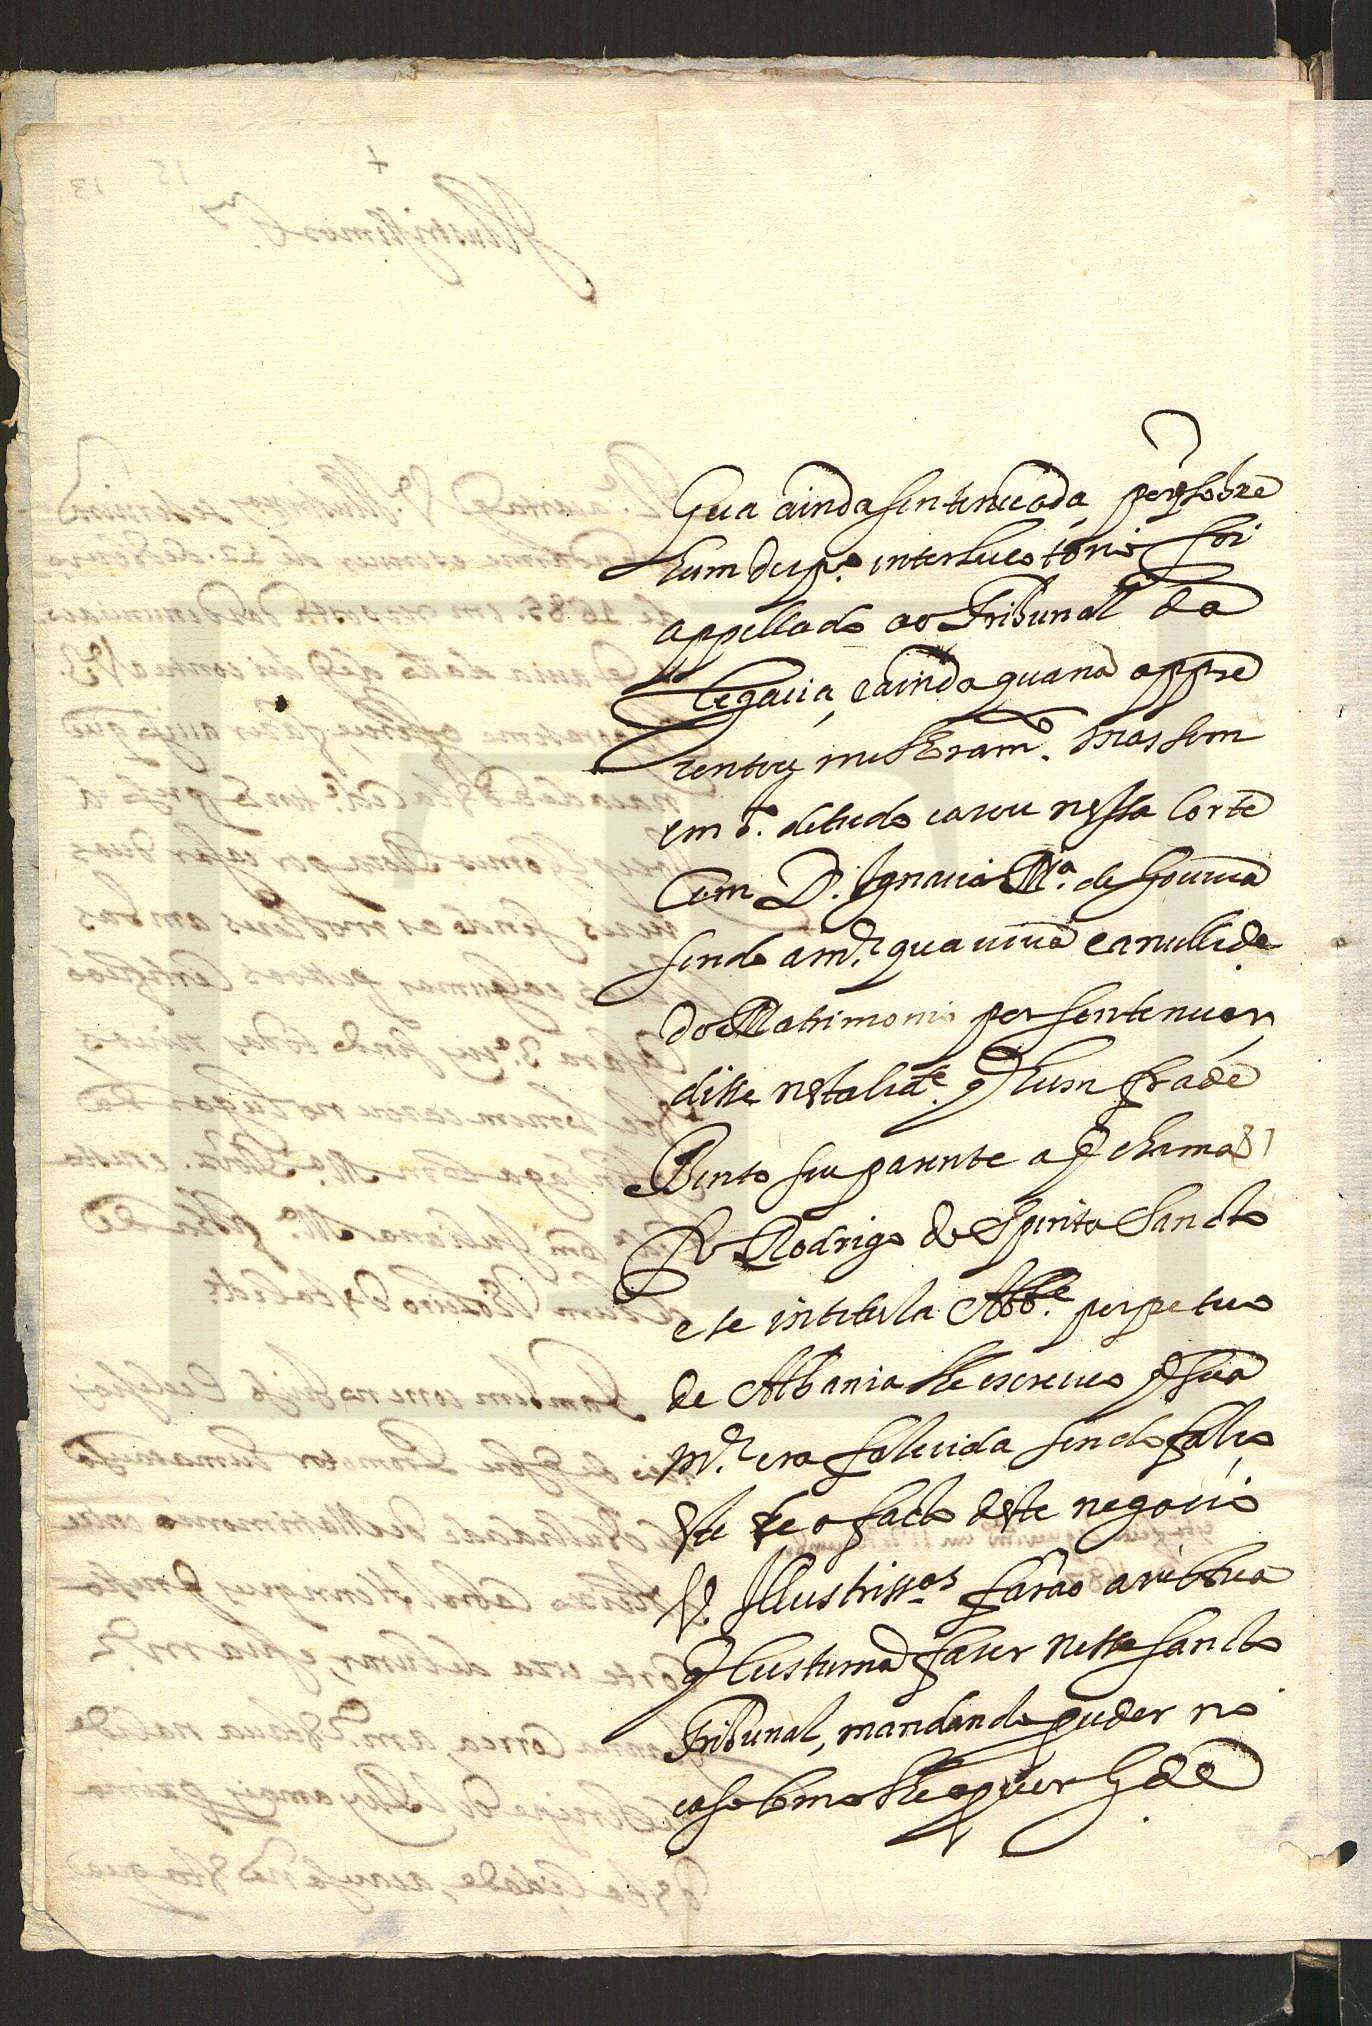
Qua ainda sentenciada, porq̄ sobre
hum desp.o interlocutorio foi
appellado ao Tribunal da
Legacia, e ainda qua naꝭ appre
zentou melhoramto. mas sem
em t.o de tudo cazou nessa Corte
Com D. Ignacia Ma. de Gouuea
Sendo a m.er qua uiua e a nullid.e
do Matrimonio por Sentenciar,
disse nesta Cid̄.e q̄ hum frade
Bento seu parente a q̄ chamaõ
Fr Rodrigo do Spirito Sancto
e se intitula Abb.e perpetuo
de Albania lhe escreueo q̄ sua
m.er era falecida sendo falço
este he o facto deste negoçio
V. Illustriss.as farão a iustica
q̄ Custumaõ fazer nesse Sancto
Tribunal, mandando ꝓceder no
caso Como lhe aꝓuer G.de
